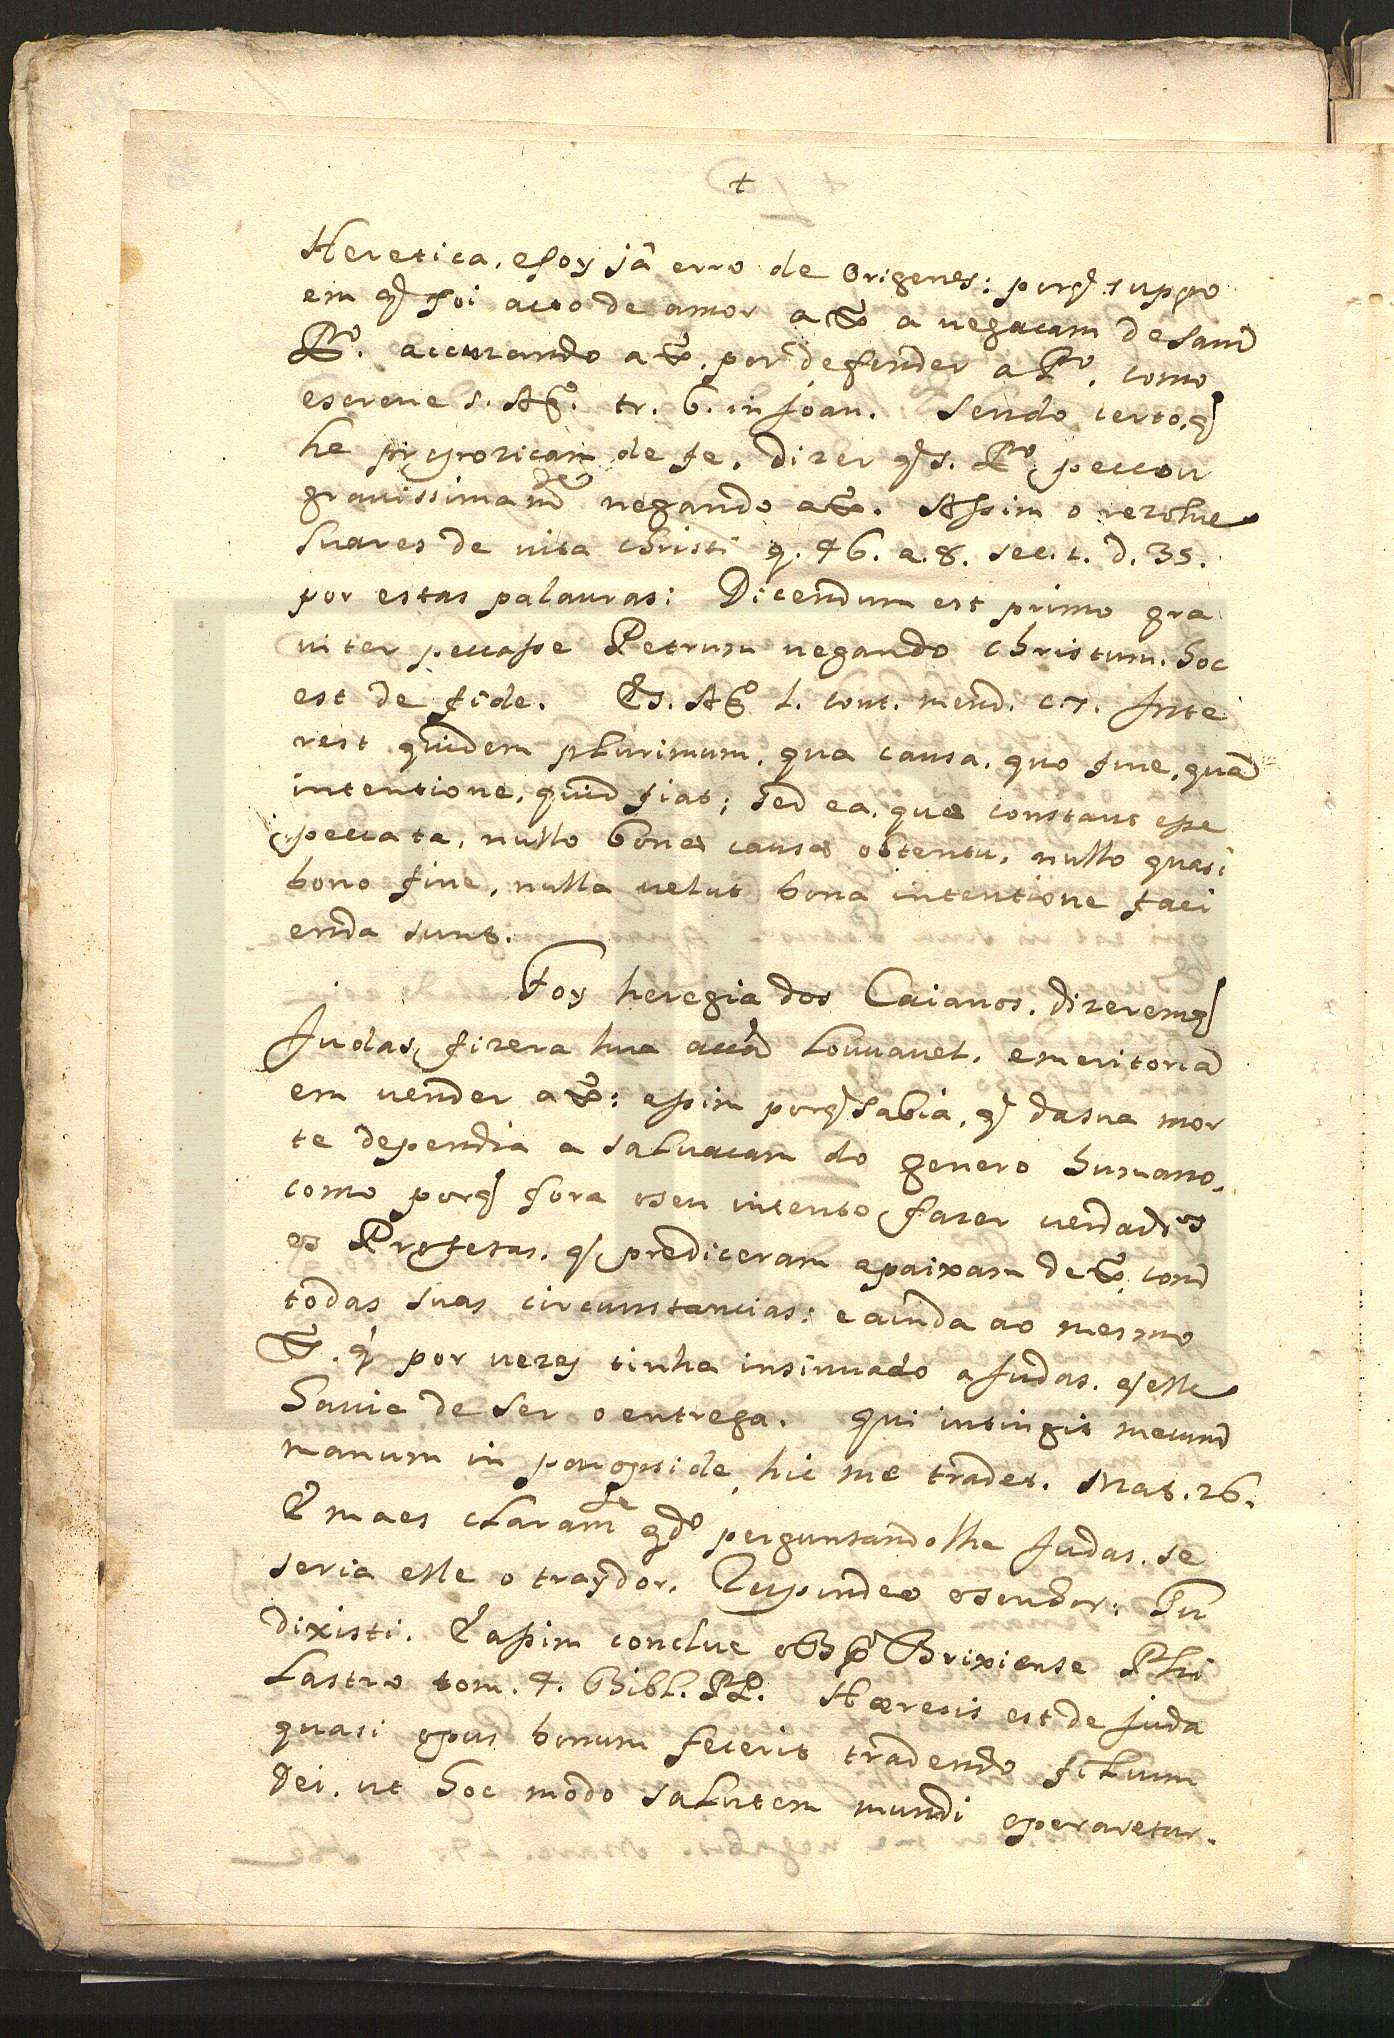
+
Heretica, e foy já erro de origenes: porq̄ suppo
em q̄ foi acto de amor a xo a negaçam de sam
Po. accuzando a xo. por defender a Po, como
escreue s. Ag.o tr. 6. in Joan. sendo certo. q̄
he preproziçam de fe. dizer q̄ s. Po peccou
grauissimamte negando a xo. Assim o rezolue
suares de uita christi q. 46. a. 8. sec. 1. d. 35.
por estas palauras: Dicendum est primo gra
uiter pecasse Petrum negando christum. hoc
est de fide. E S. Ago 1 cont. mend. c.7. Jnte
rest quidem plurimum, qua causa, quo fine, qua
intentione, quid fias; sed ea, quæ constant esse
peccata, nullo bonas causas obtentu, nullo quasi
bono fine, nulla uelut bona intentione faci
enda sunt.
Foy heregia dos Caianos, dizerem q̄
Judas fizera hua acçaõ Louuauel, e meritoria
em uender a xo: assim porq̄ sabia, q̄ da sua mor
te dependia a saluaçam do genero humano,
como porq̄ fora o seu intento fazer uerdadros
os Profetas. q̄ prediceram a paixam de xo. com
todas suas circunstancias: e ainda ao mesmo
§ q̄ por uezes tinha insinuado a Judas. a elle
hauia de ser o entrega. qui intingit mecum
manum in paropside, hic me trader. mat. 26.
E maes claramte qdo perguntandolhe Judas se
seria elle o traydor. Respondeo o senhor: Tir
dixisti. E assim conclue o Bpo Brixiense Phi
Lastro tom. 4. Bibl. PP. Hæresis est de Juda
quasi opus bonum feceris tradendo fiLium
Dei. ut hoc modo saLutem mundi operaretur.
